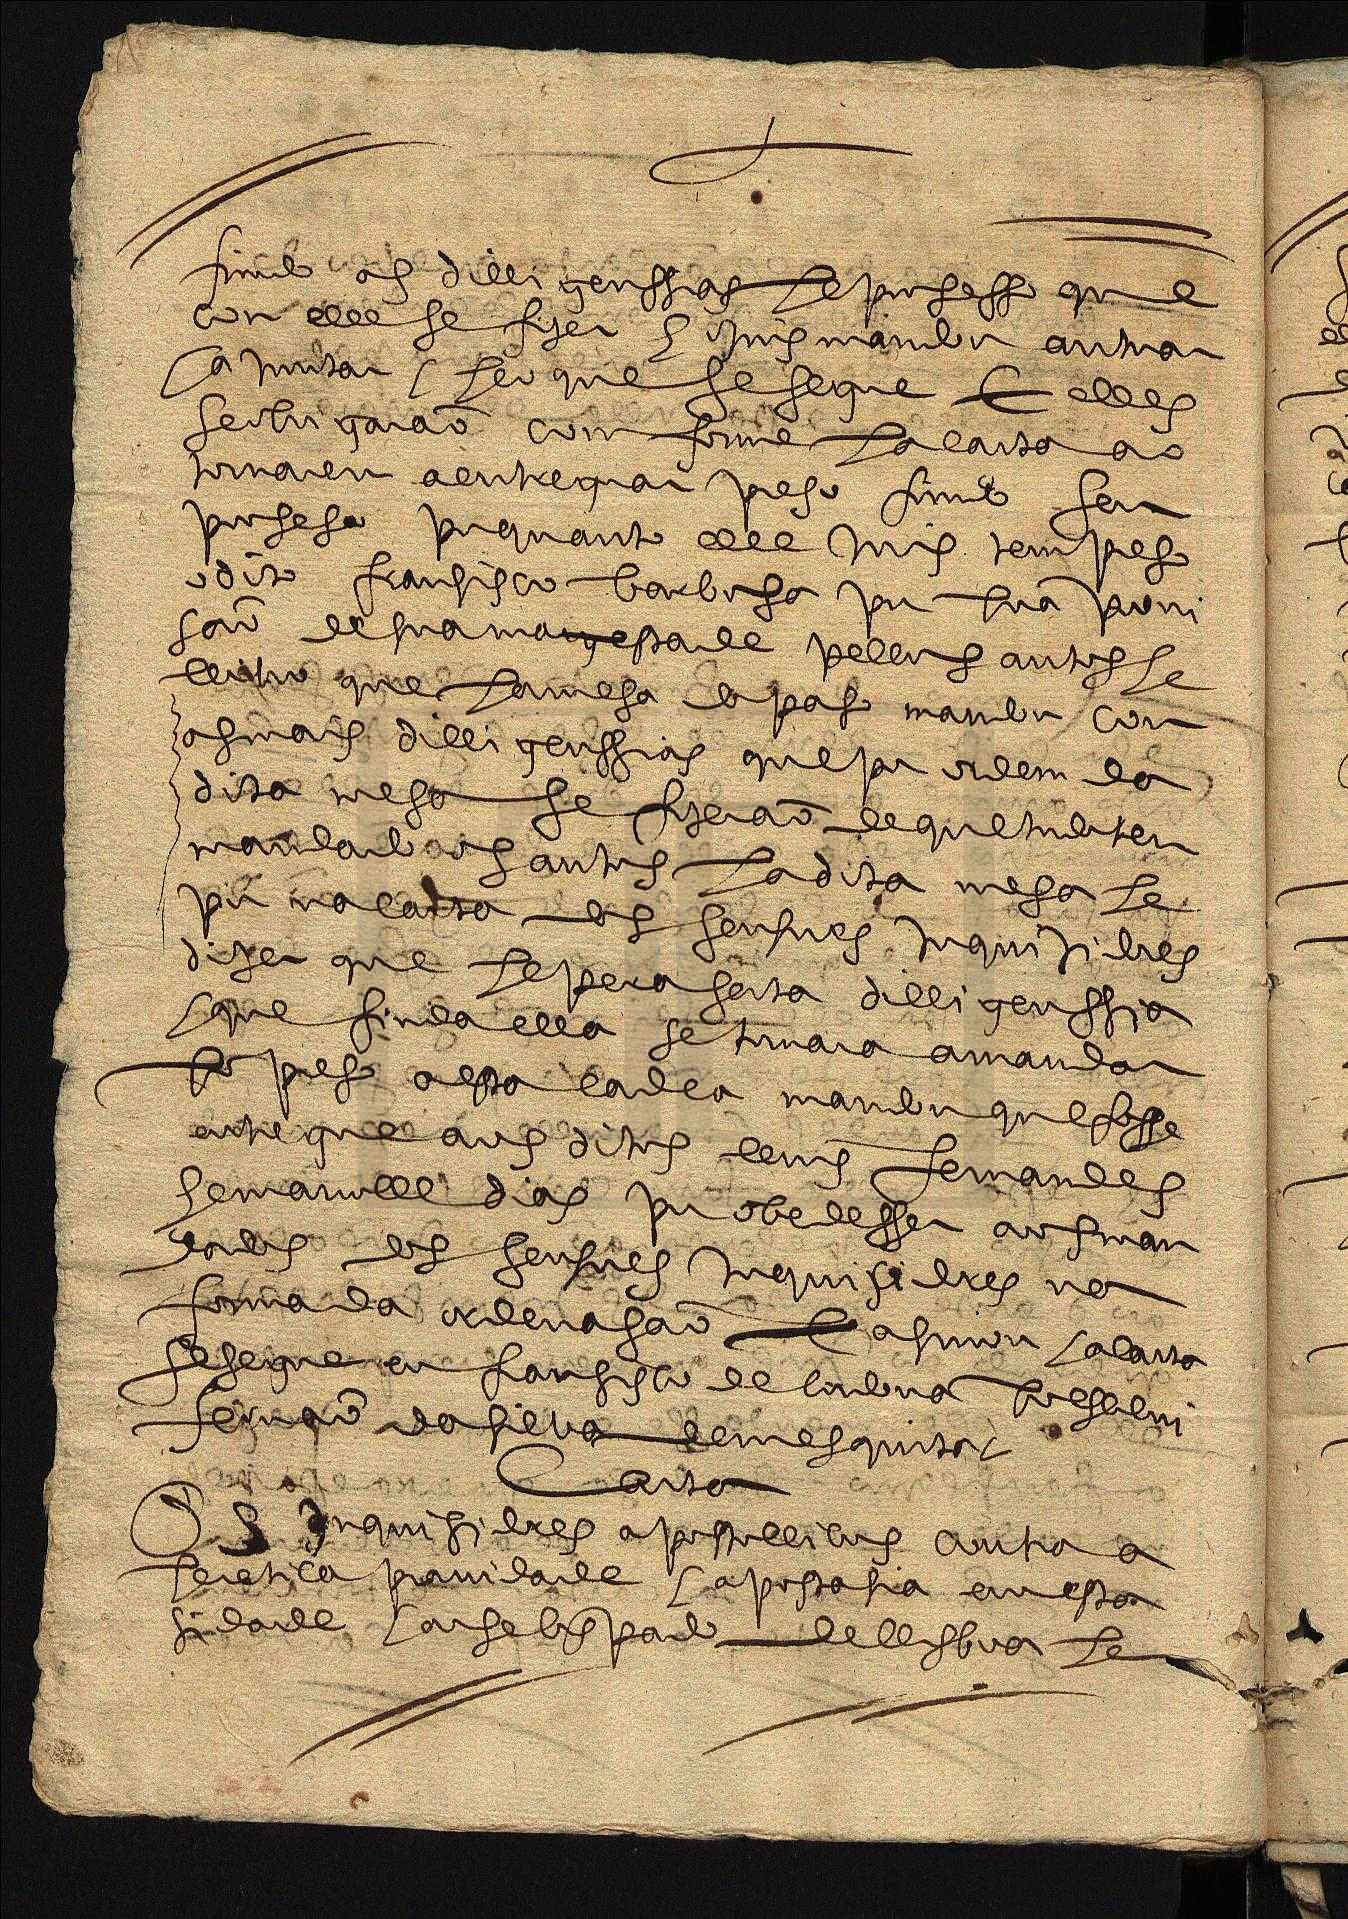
fimdo as dilligenssias he prosesso que
con elle se fizer E o juiz mandou autuar
E ajuntar E he o que se segue E elles
se obrigaraõ comforme ha carta a o
tornaren a entreguar preso findo seu
proseso porquanto elle Iuis tem preso
o dito fransisco barbosa por huā proui
saõ de sua maigestade pellos autos he
llivro que ha mesa do paso mandou con
as mais dilligenssias que por ordem da
dita mesa se fizeraõ de que tudo ten
mandado os autos ha dita mesa he
por na carta dos senhores Inquizidores
dizer que he pera serta dilligenssia
E que finda ella se tornara a mandar
ho preso a esta cadea mandou que fosse
entregue aos ditos lluis fernandes
he manoell dias por obedesser aos man
dados dos senhores Inquisidores na
forma da ordenasaõ E asinou E a carta
se segue eu fransisco de cordoua ho escreui
fernaõ da silua de mesquita/
Carta
Os Jnquisidores apostollicos contra a
heretica prauidade E apostasia em esta
sidade E arsebispado de llisboa he
